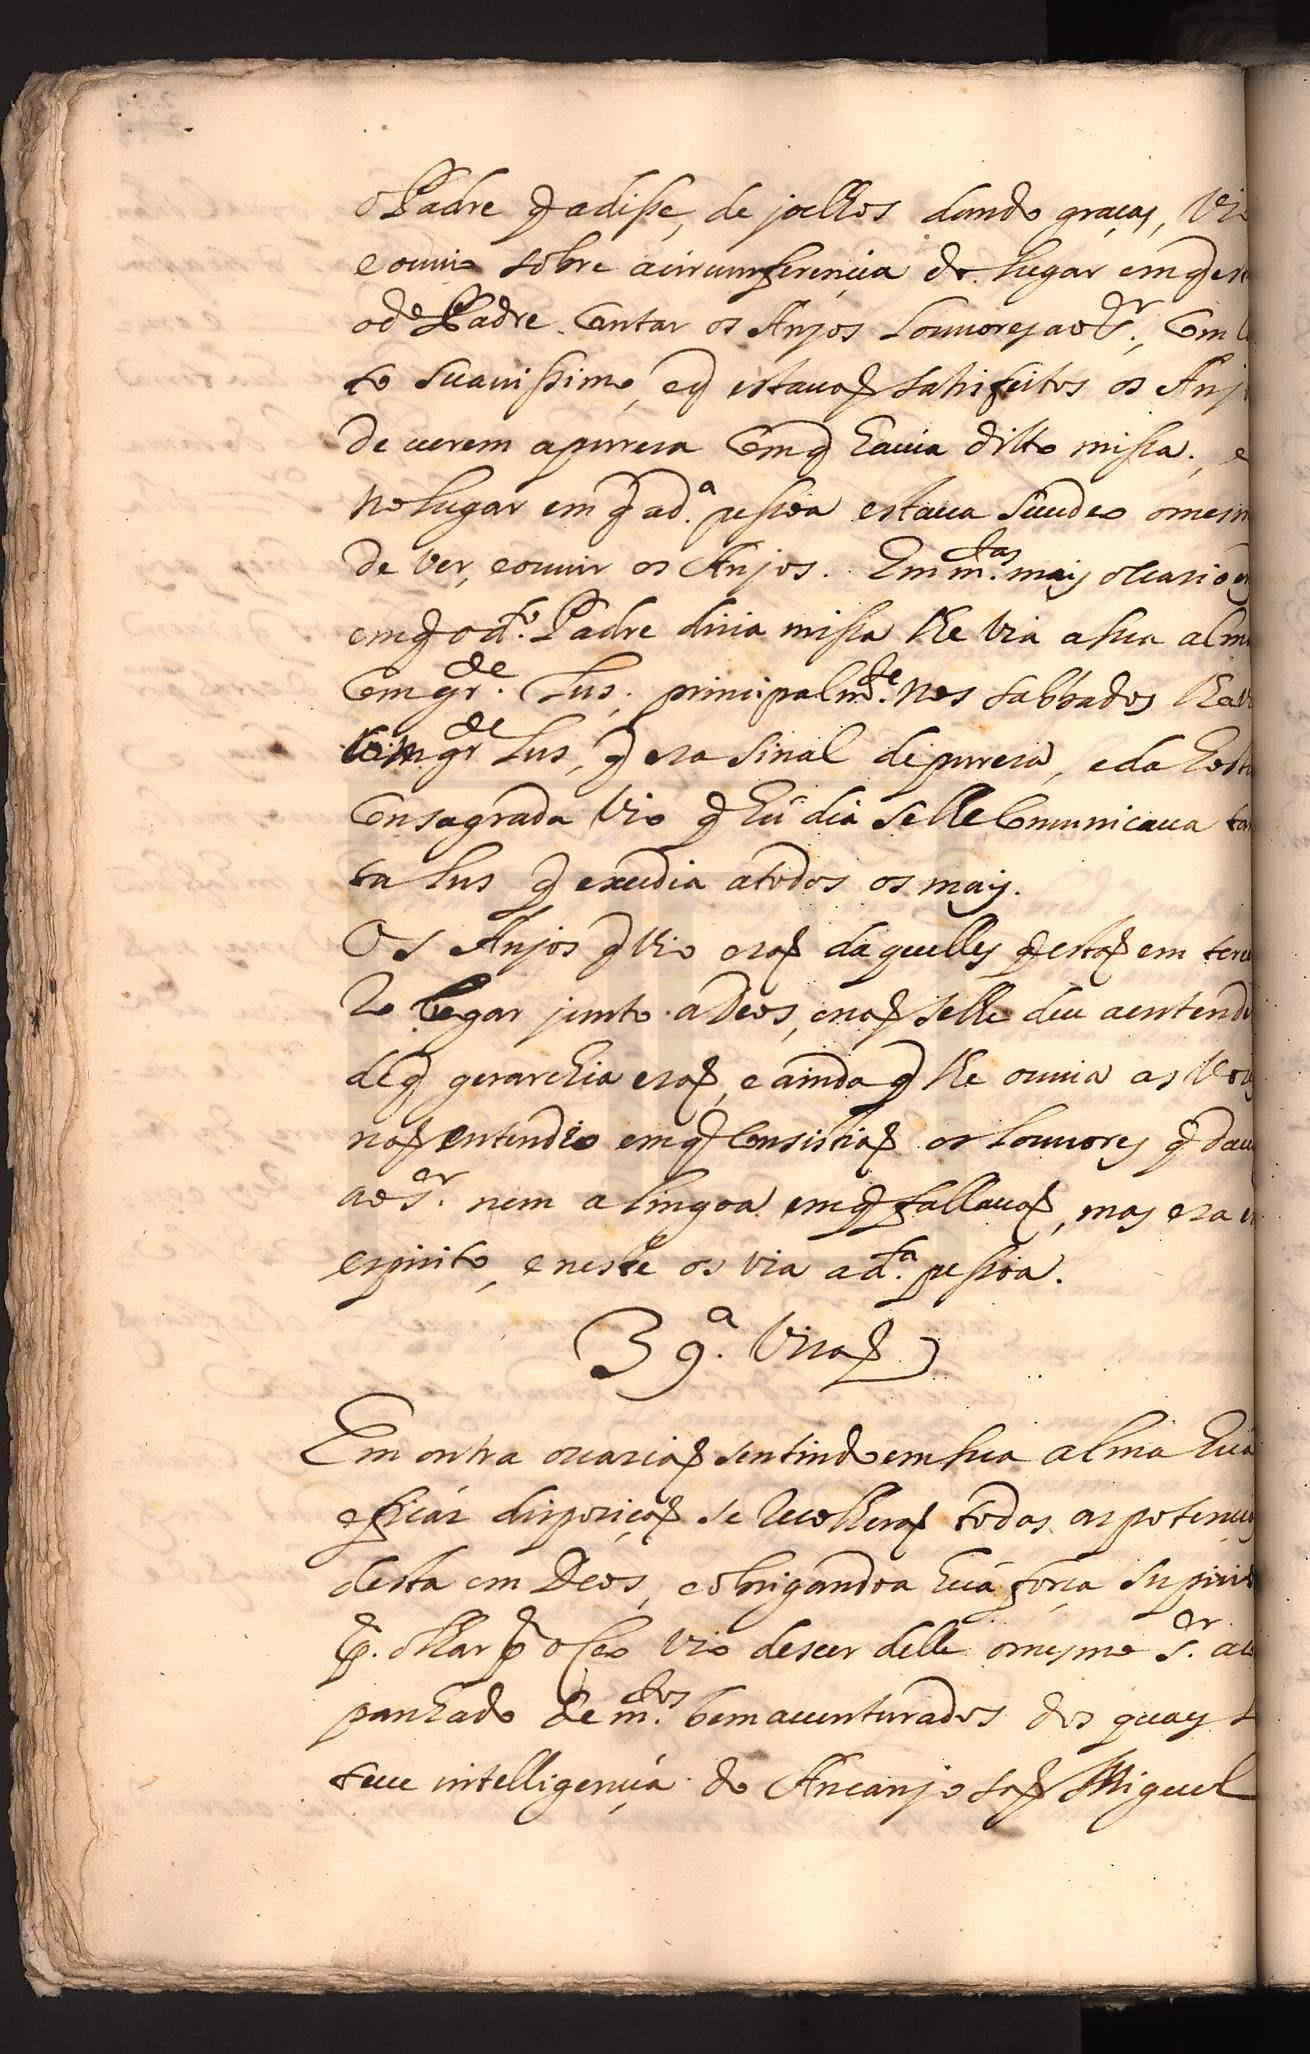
o Padre q̄ a disse, de joelhos dando graças, vi
e ouuio sobre a circunferencia do lugar em q̄ es
o do Padre cantar os Anjos Louuores ao S.or com c
to suauissimo, e q̄ estauaõ satisfeitos os Anj
de uerem a pureza em q̄ hauia ditto missa; e
no lugar em q̄ a d.a pessoa estaua sucedeo o mesm
de ver, e ouuir os Anjos. Em m.tas mais occazioen
em q̄ o d̄.o Padre disia missa lhe via a sua alm
Com gr.de Lus; principalm.te nos sabbados lha v
com grde lus, q̄ era sinal de pureza, e da host
Consagrada Vio q̄ hū dia se lhe Comunicaua ta
ta lus q̄ excedia a todos os mais.
Os Anjos q̄ vio eraõ daquelles q̄ estaõ em terc
Ro lugar junto a Deos, e naõ se lhe deu a entende
de q̄ gerarchia eraõ, e ainda q̄ lhe ouuia as voze
naõ entendeo em q̄ consistiaõ os louuores q̄ dau
ao s.or nem a lingoa em q̄ fallauaõ, mas era
espirito, e neste os via a d̄a pessoa.
39.a Vizaõ
Em outra occaziaõ sentindo em sua alma huā
eficaz dispoziçaõ se Recolheraõ todas as potencia
desta em Deos, e obrigandoa huā força supirio
p.a dar p.a o Ceo vio descer delle o mesmo s.or ac
panhado de m.tos bem auenturados dos quaes s
teue intelligencia do Arcanjo saõ Miguel
